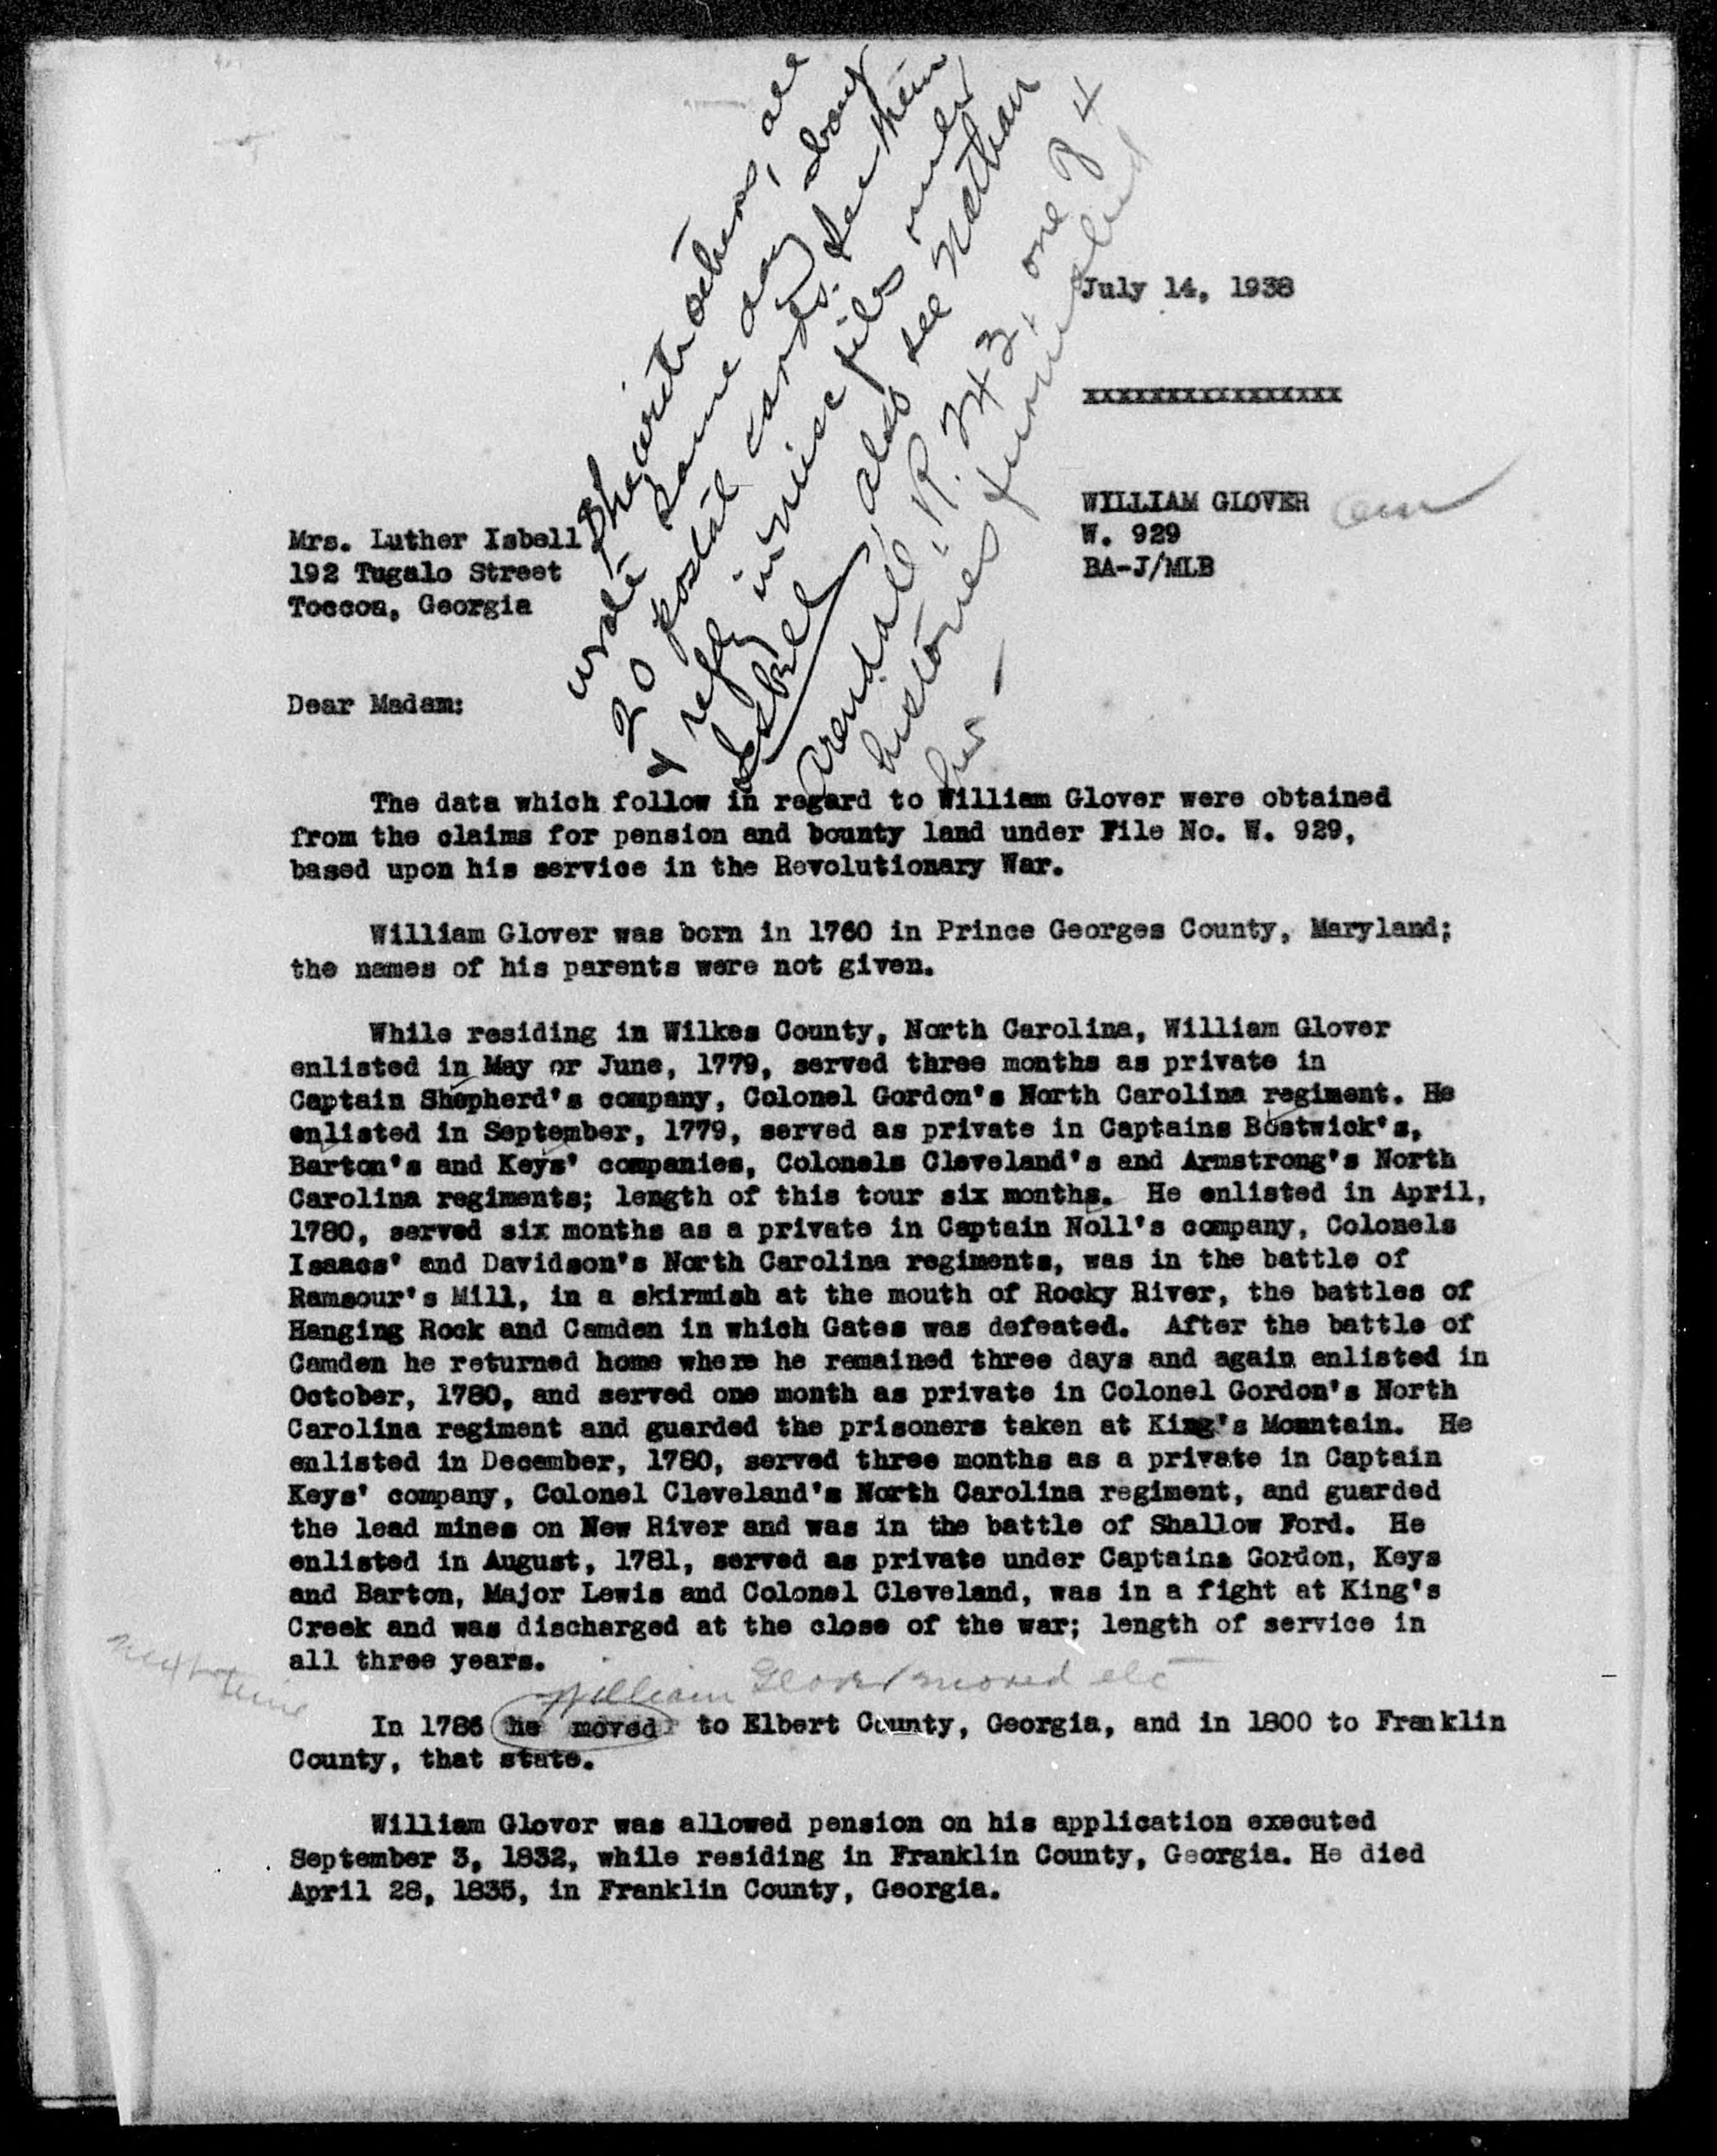She with others, all wrote same day [illegible] 20 postal cards. See [illegible] & ref invoice files number [illegible], also see nathan arendall R. 243, one of 4 histories [illegible] [illegible]

next time

William Glover record etc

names: William Glover, William Glover, Lewis, William Glover, Nathan Arendall, Barton, William Glover, Cleveland, William Glover, Gordon, William Glover, Keys, Luther Isbell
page: 17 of 51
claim: widow's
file: W. 929, William Glover, N.C.